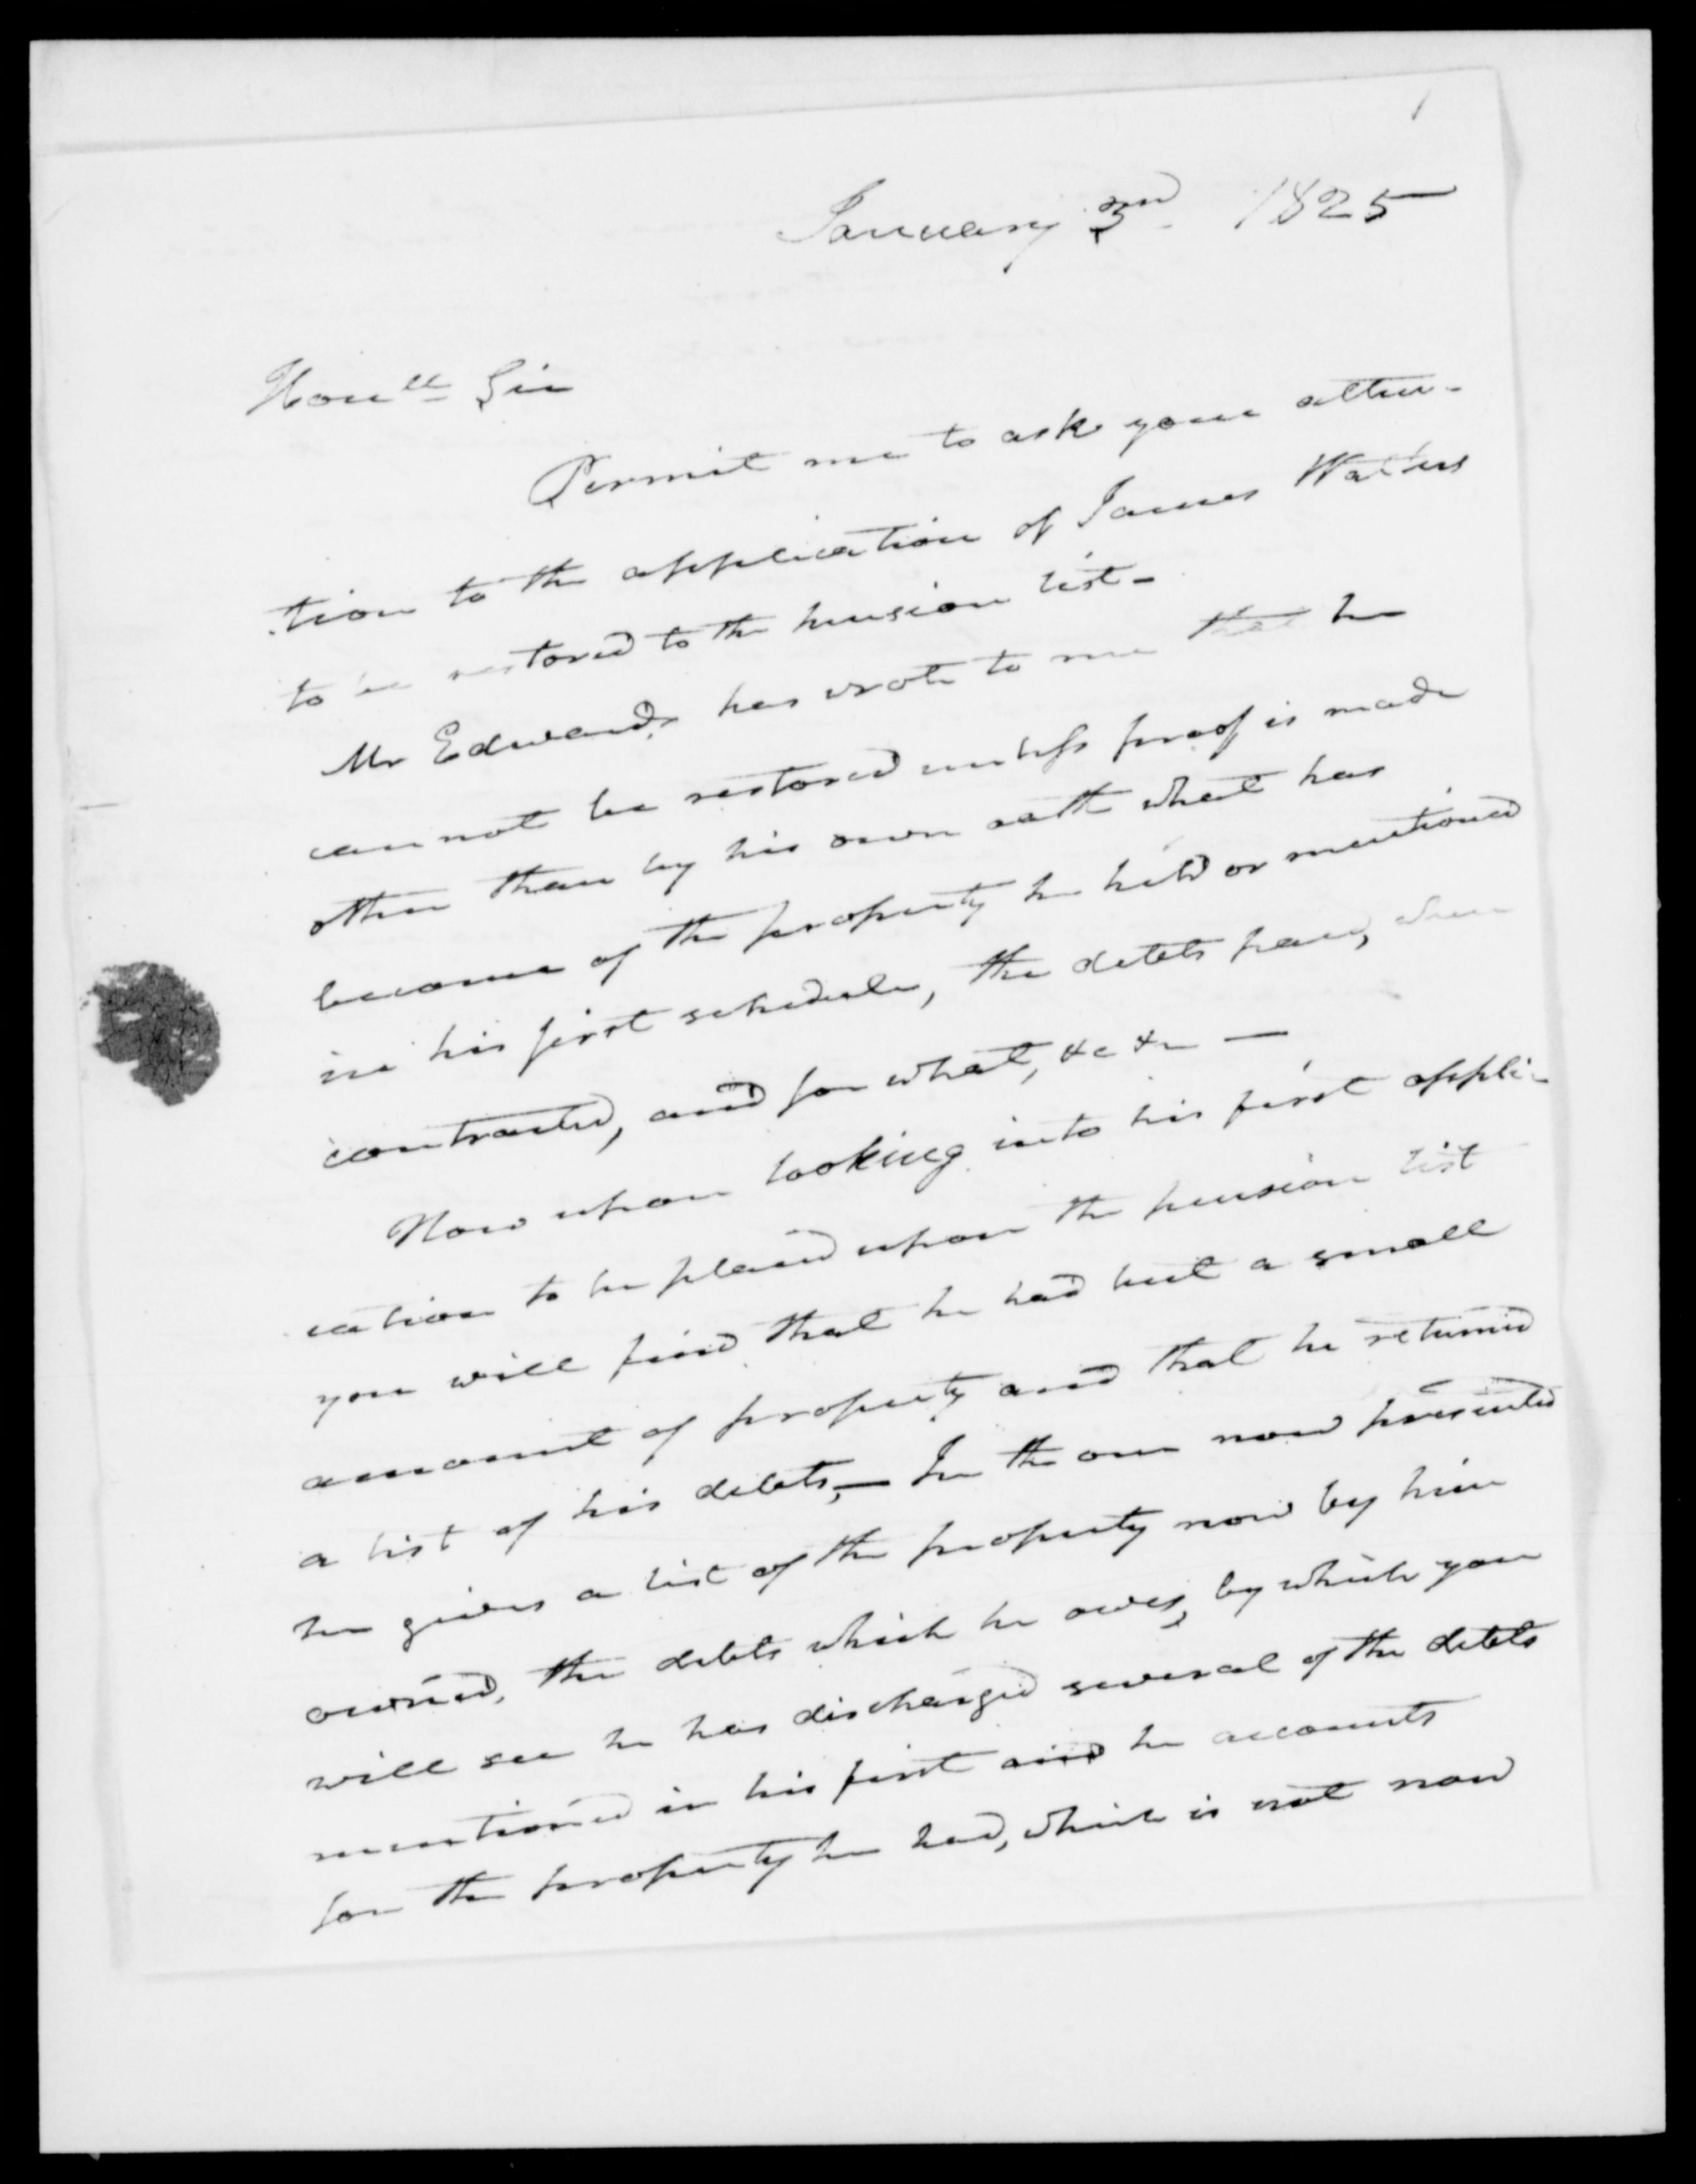1
January 3rd 1825
Honbl Sir
Permit me to ask your attention to the application of James Watters to be restored to the pension list -
Mr Edwards has wrote to me that he cannot be restored unless proof is made
other than by his own oath what has become of the property he held or mentioned 
in his first schedule, the debts paid, some contracted, and for what, &c &c -
Now upon looking into his first application to be placed upon the pension list you will find that he had but a small amount of property and that he returned a list of his debts, - In the one now presented he gives a list of the property now by him owned, on the debts which he owes, by which you will see he has discharged several of the debts mentioned in his first and he accounts for the property he had, there is not now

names: Edwards, James Watters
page: 28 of 29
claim: survivor's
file: S. 40642, James Waters, Continental (Md)